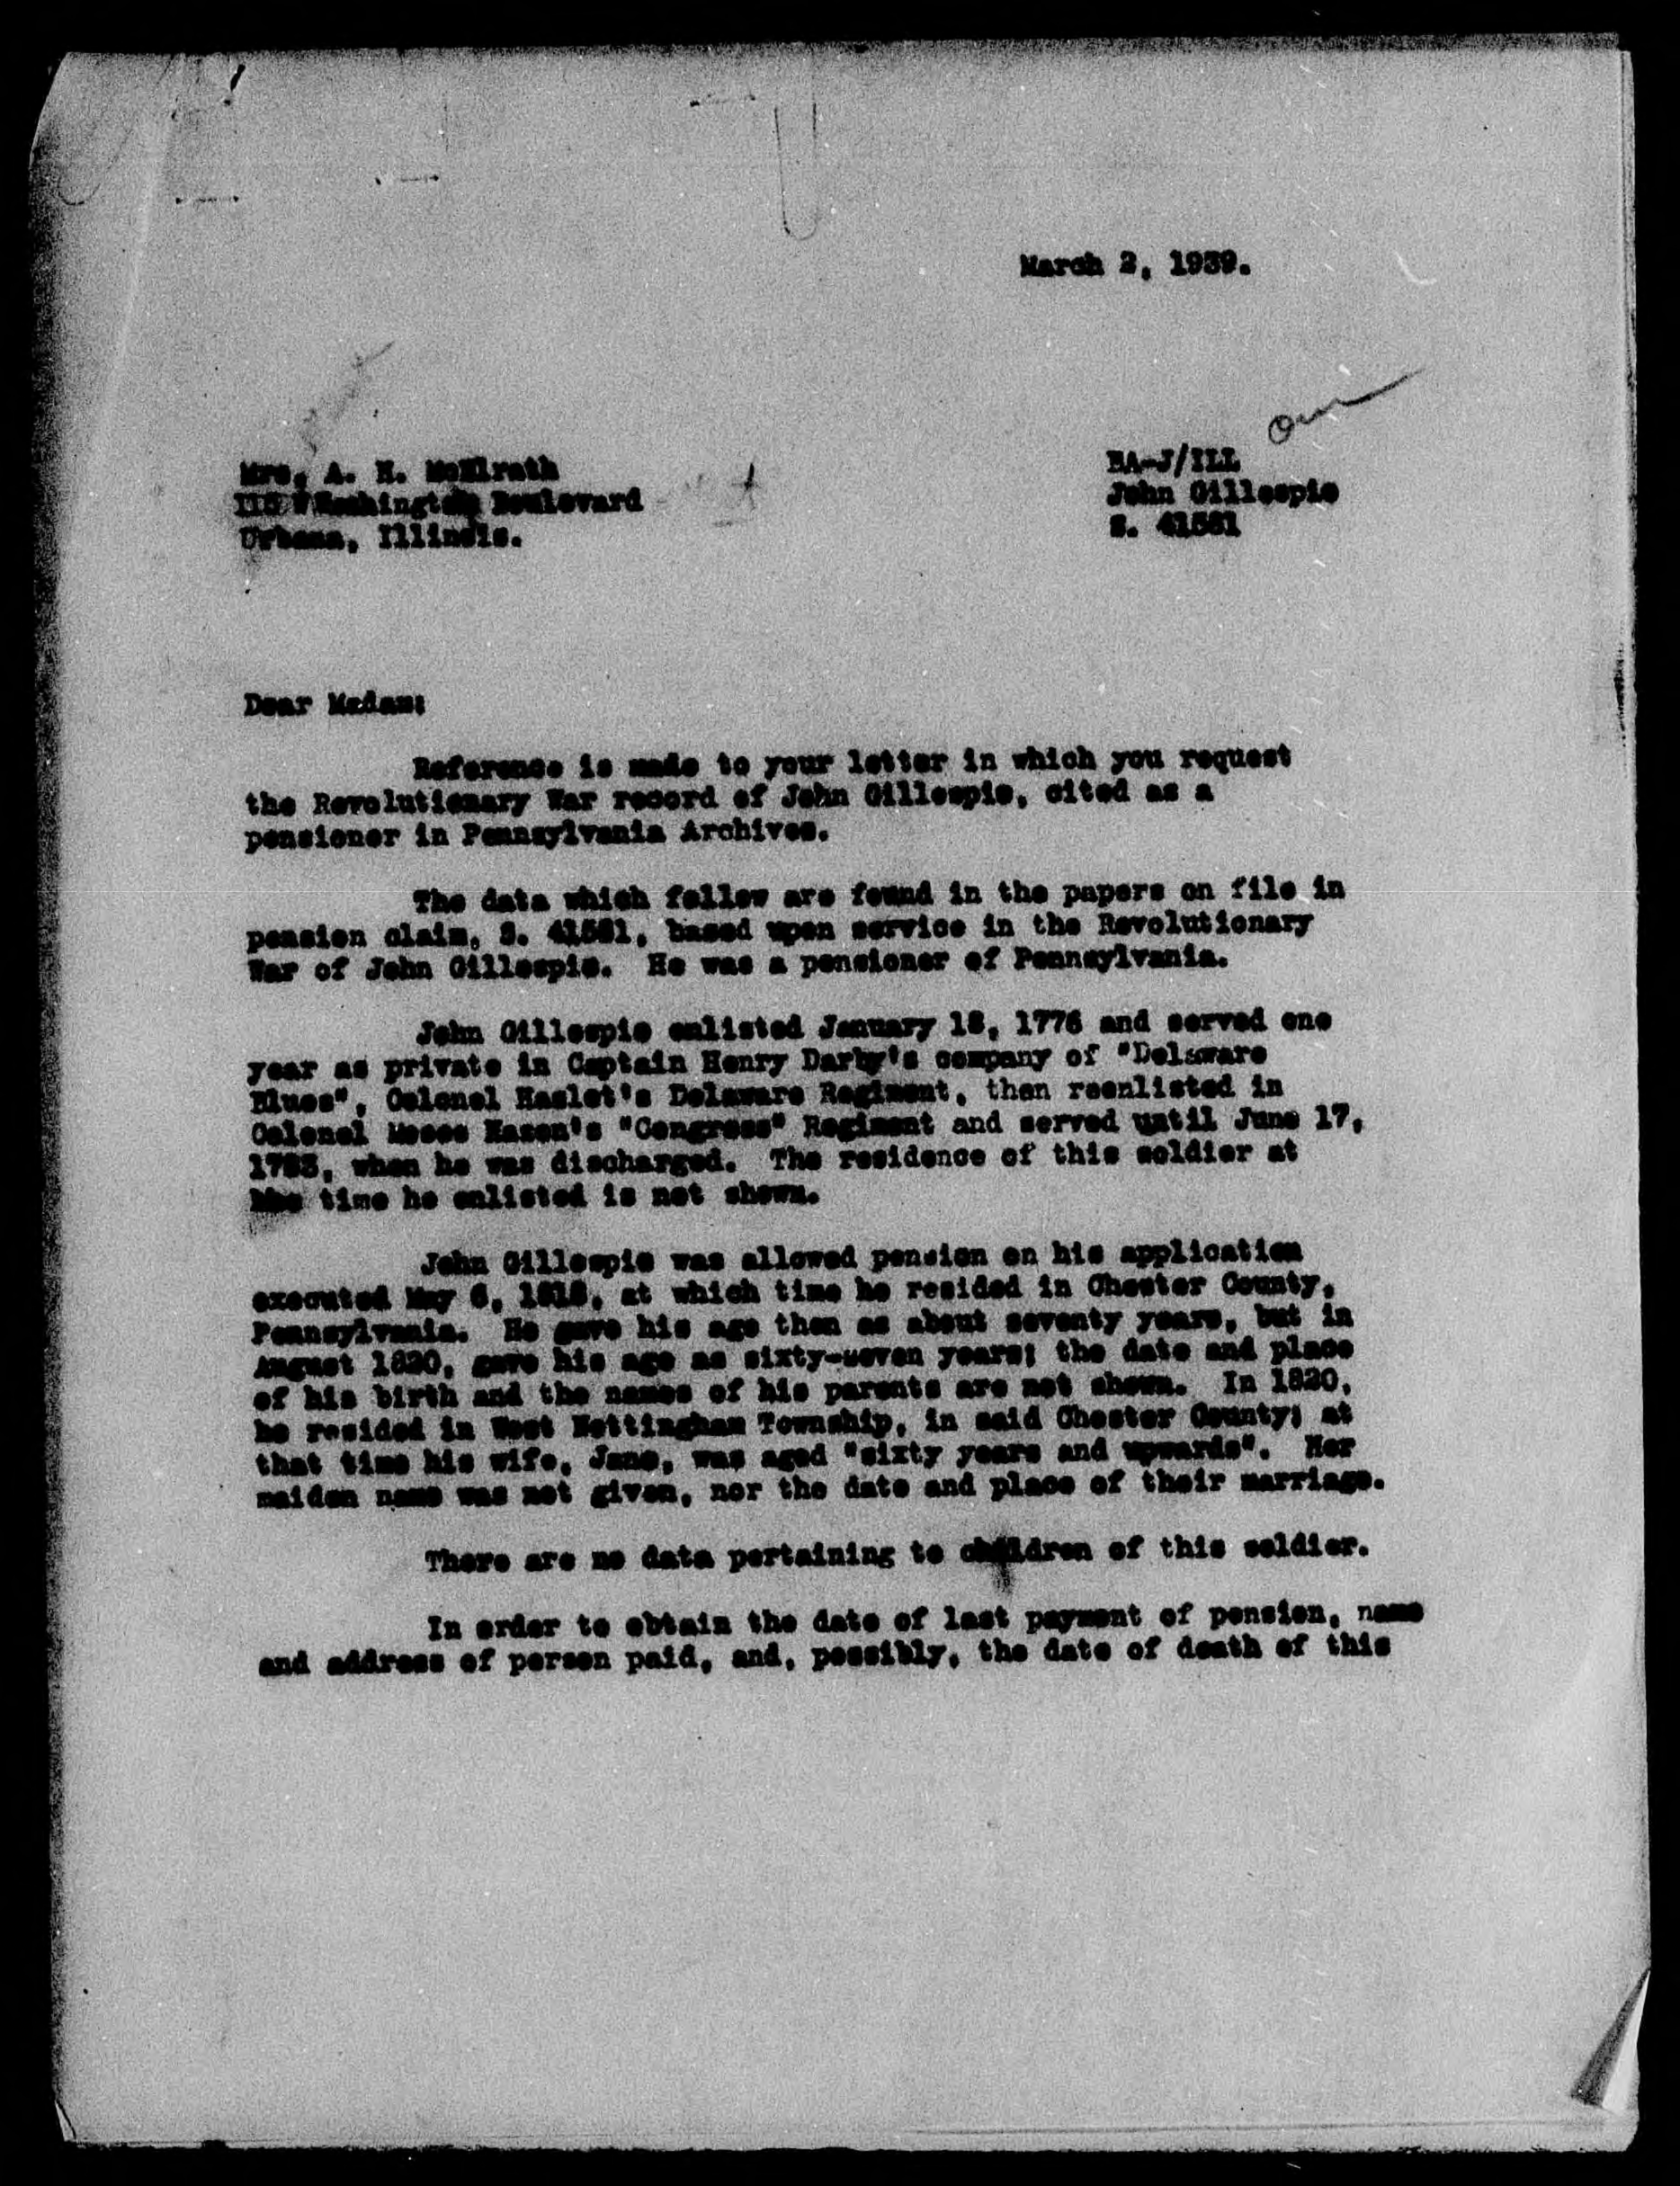March 3, 1939

Mrs. A. H. McElrath
115 Washington Blvd
Urbana, Illinois

Ba-J/ILL
John Gillespie
S. 41581

Dear Ma'am,
Reference is made to your letter in which you request the Revolutionary War record of John Gillespie, cited as a pensioner in Pennsylvania Archives.
The data which follow are found in the papers on file in pension claim, S. 41581, based upon service in the Revolutionary War of John Gillespie. He was a pensioner of Pennsylvania.
John Gillespie enlisted January 18, 1776 and served one year as private in Captain Henry Darby's company of "Delaware Blues", Colonel Haslet's Delaware Regiment, then reenlisted in Colonel Moses Hasan's "Congress" Regiment, and served until June 17, 1783, when he was discharged. The residence of this soldier at the time he enlisted is not shown.
John Gillespie was allowed pension on his application executed May 6, 1818, at which time he resided in Chester County, Pennsylvania. He gave his age then as about seventy years, but in August 1820, gave his age as sixty seven years; the date and place of his birth and the name of his parents are not shown. In 1820, he resided in West Nottingham Township, in said Chester County; at that time his wife, Jane, was aged "sixty years and upwards". Her maiden name was not given, nor the date and place of their marriage.
There are no data pertaining to children of this soldier.
In order to obtain the date of last payment of pension, name and address of person paid, and, possibly, the date of death of this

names: Jane, John Gillespie, John Gillespie, John Gillespie, A H Mc Elrath, John Gillespie, John Gillespie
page: 19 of 20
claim: survivor's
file: S. 41581, John Gillespie, Continental Del.